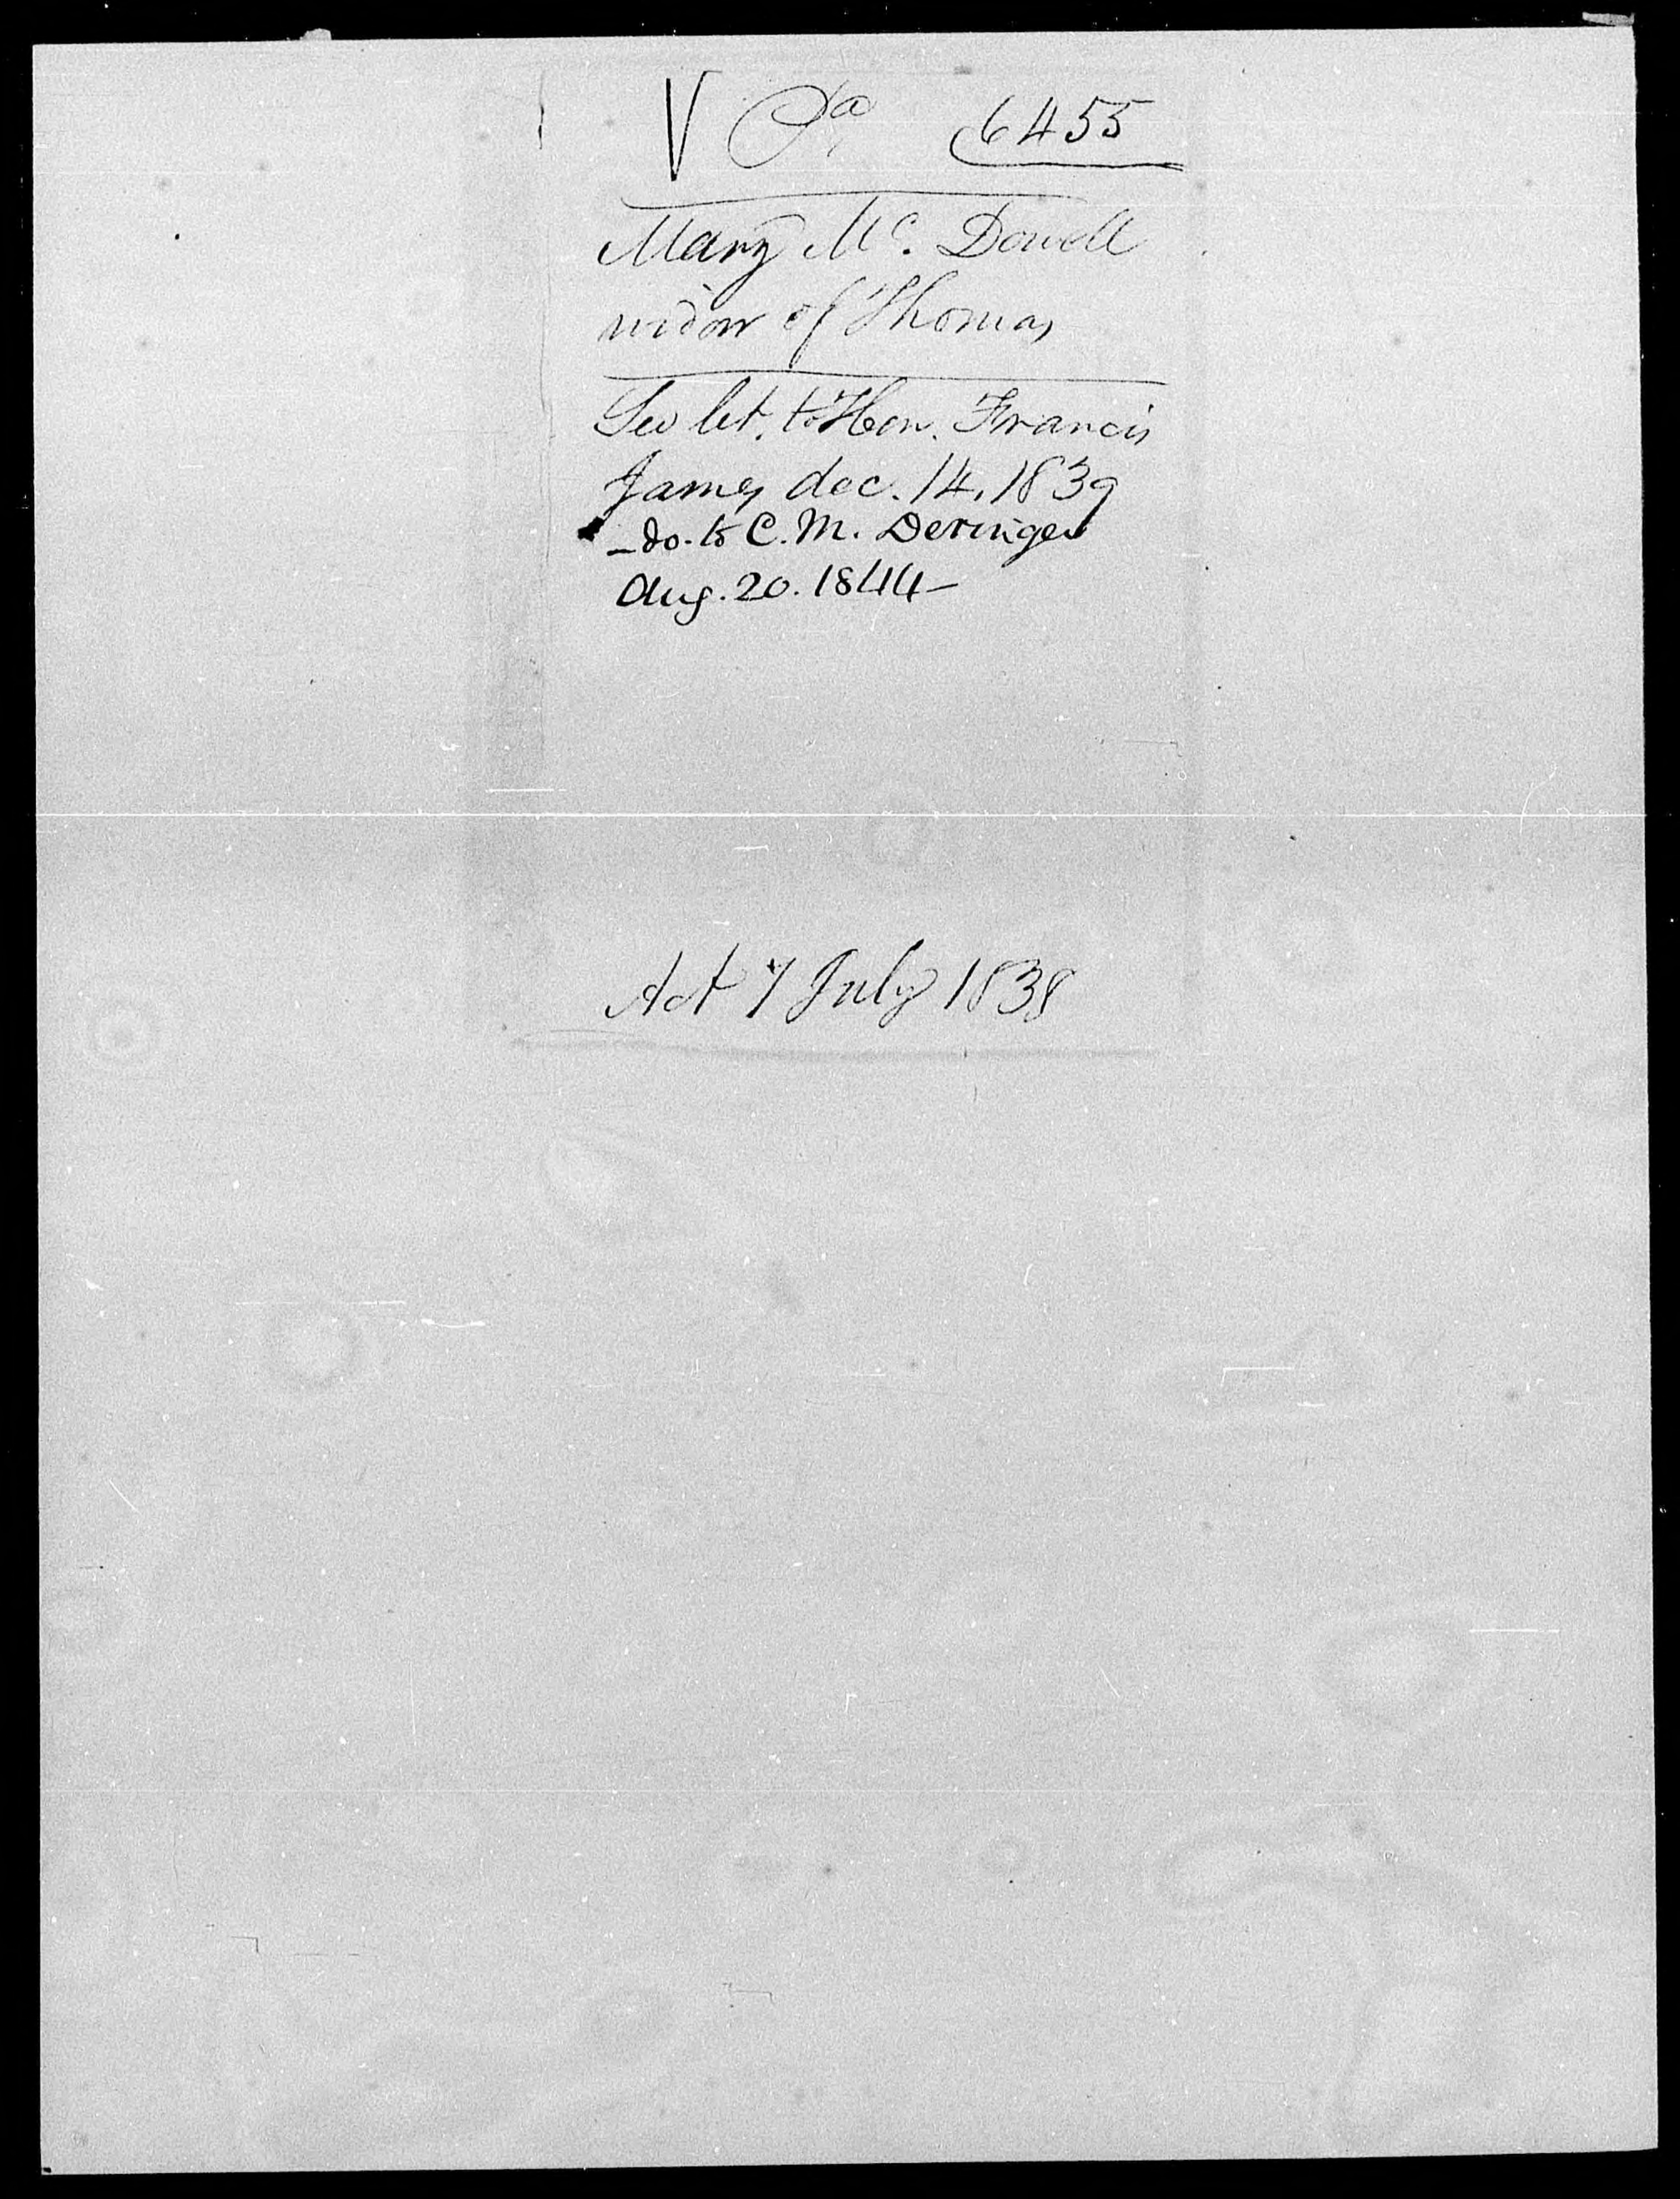V [illegible] 6453
Mary McDowell
widow of Thomas

Sec[?] let. to Hon. Francis James dec. 14. 1839
-Jo.[?] to C.M. Deringer
Aug. 20. 1844

Act 7 July 1838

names: Thomas Mc Dowell; Francis James; C M Deringer; Mary Mc Dowell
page: 24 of 63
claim: widow's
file: W 2957, for Thomas Mc Dowell, Maryland